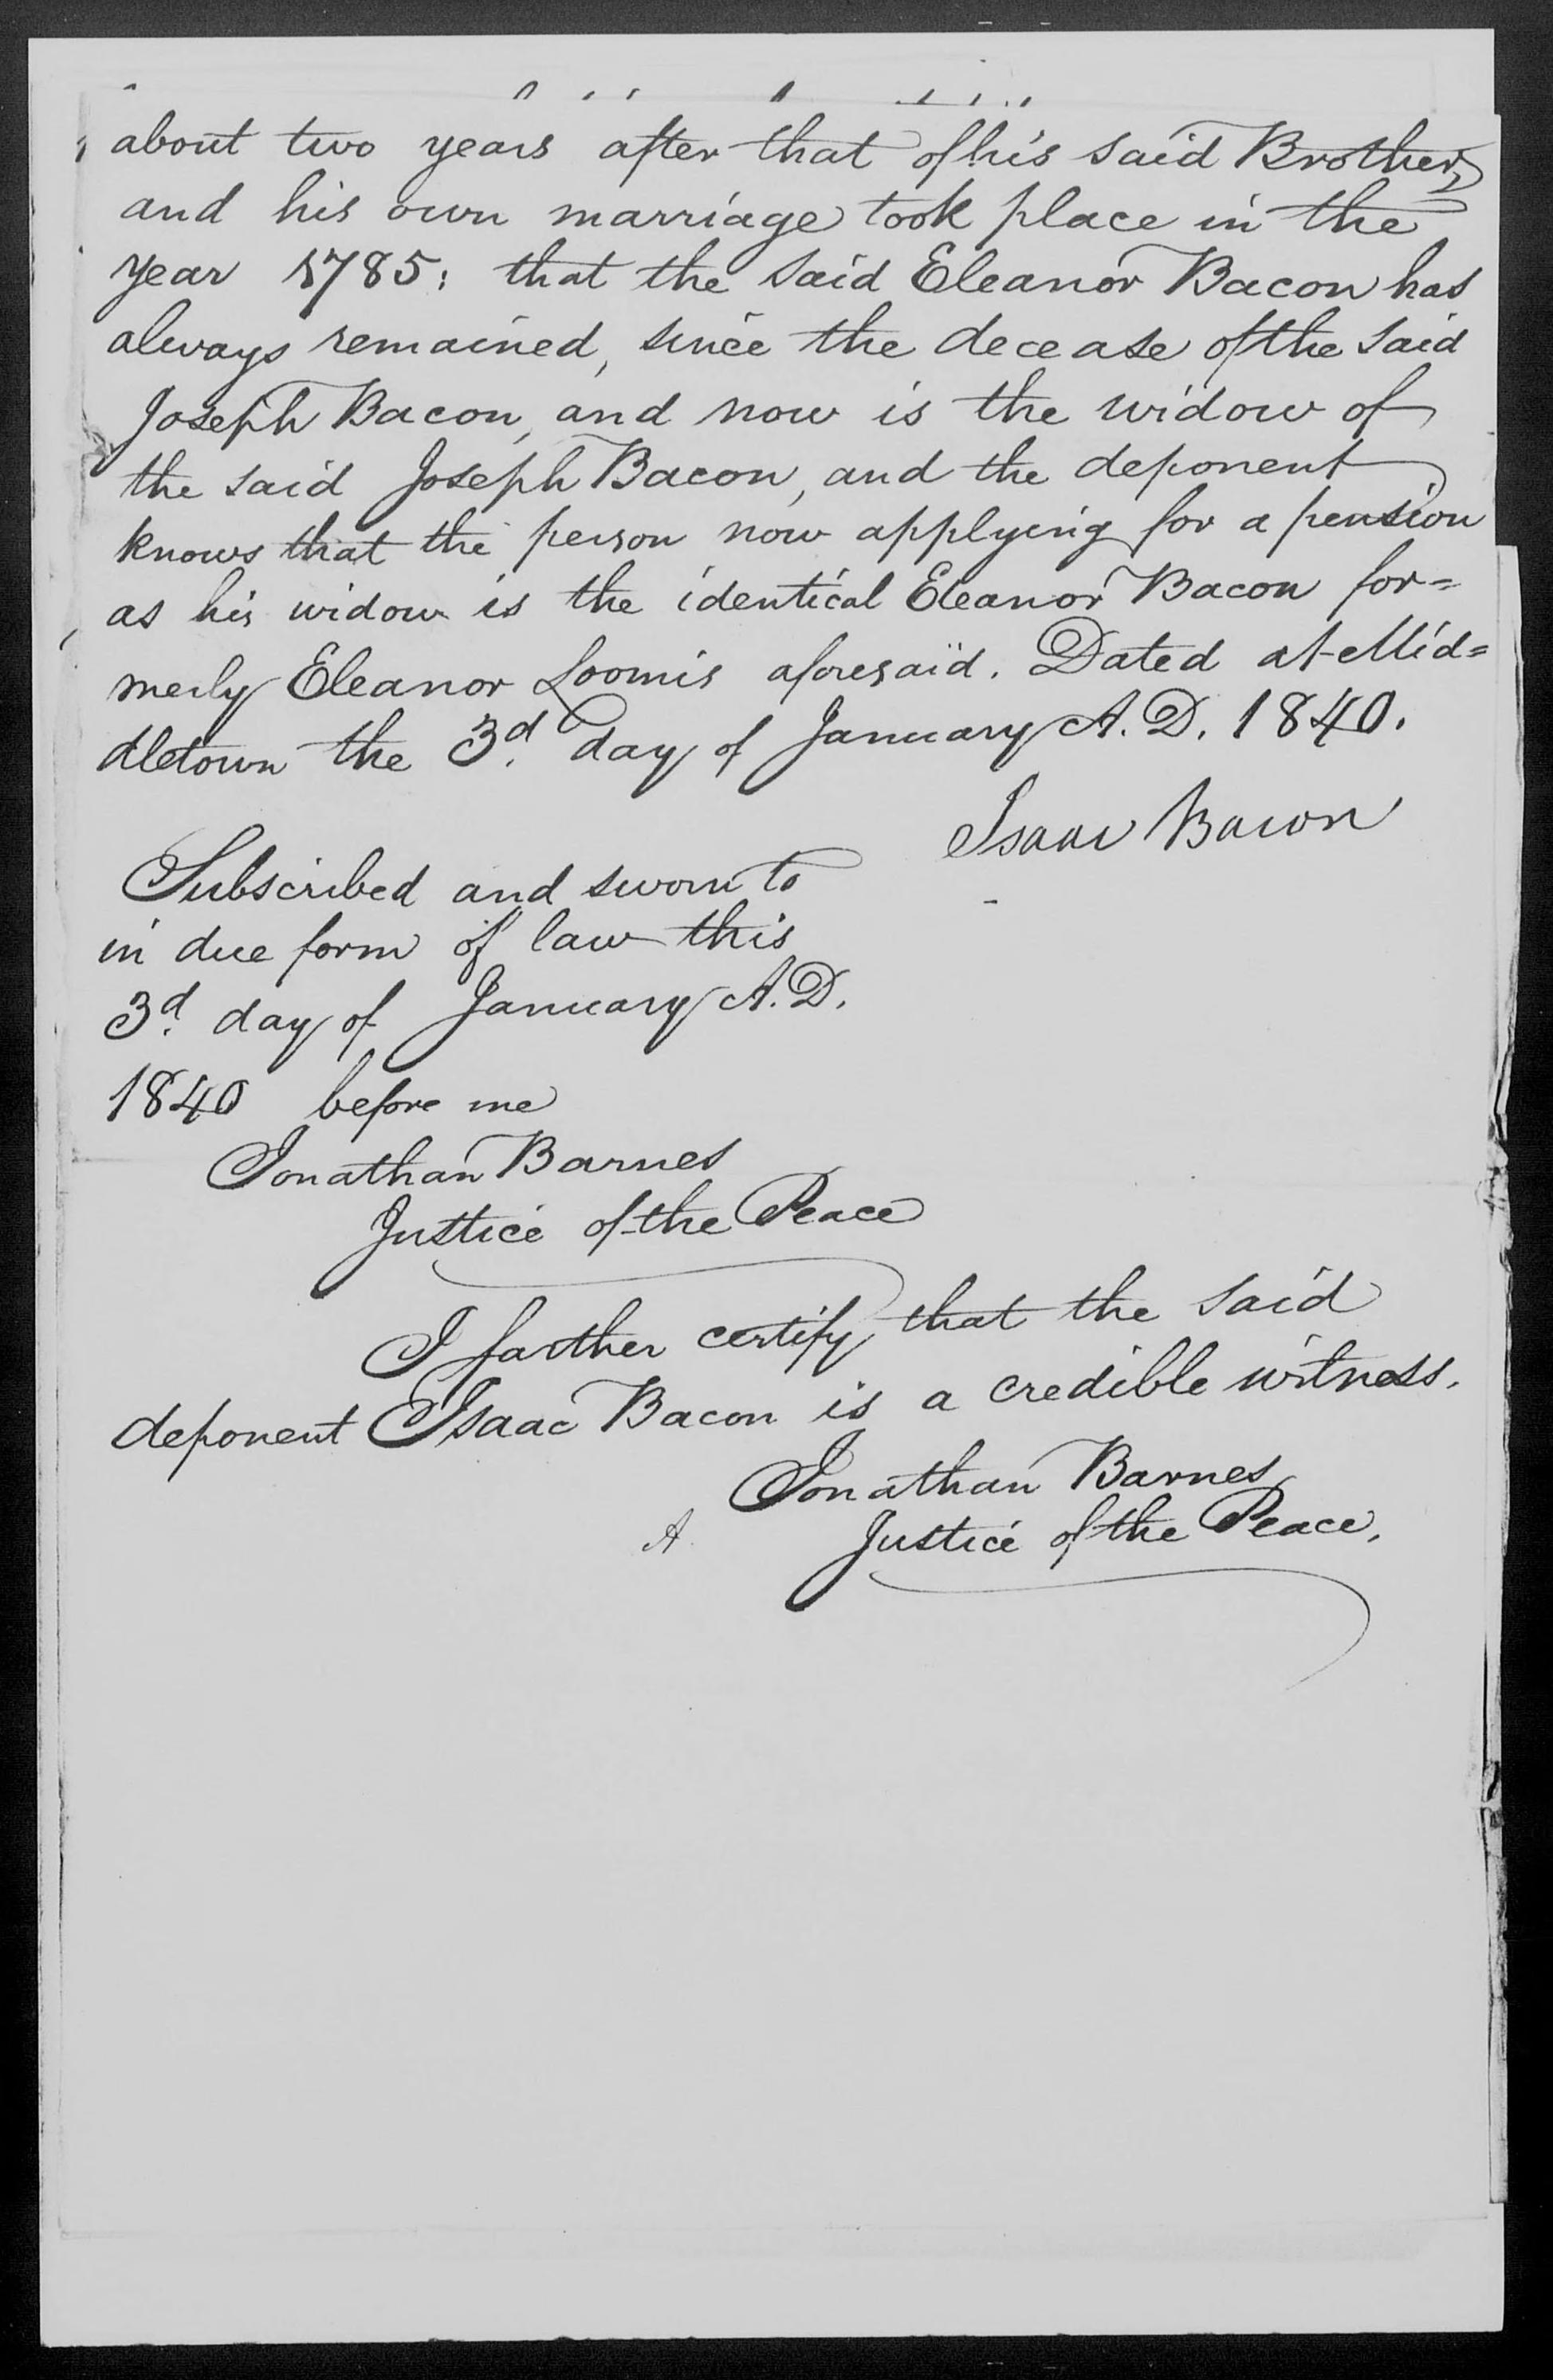"about two years after that of his said Brother and his own marriage took place in the year 1785: that the Said Eleanor Bacon has always remained, since the decease of the said Joseph Bacon, and now is the widow of the said Joseph Bacon, and the deponent knows that the person now applying for a pension as his widow is the identical Eleanor Bacon formerly Eleanor Loomis aforesaid. Dated at Middletown the 3rd day of January A. D. 1840
Isaac Bacon
Subscribed and sworn to in due form of law this 3rd day of January A. D. 1840 before me
Jonathan Barnes
Justice of the Peace

I further certify that the said deponent Isaac Bacon is a credible witness. 
Jonathan Barnes
Justice of the Peace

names: Jonathan Barnes, Isaac Bacon, Eleanor Bacon, Eleanor Bacon, Isaac Bacon, Joseph Bacon, Jonathan Barnes, Joseph Bacon, Eleanor Loomis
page: 7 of 24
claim: widow's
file: W. 25190, Joseph Bacon, Continental (Conn)